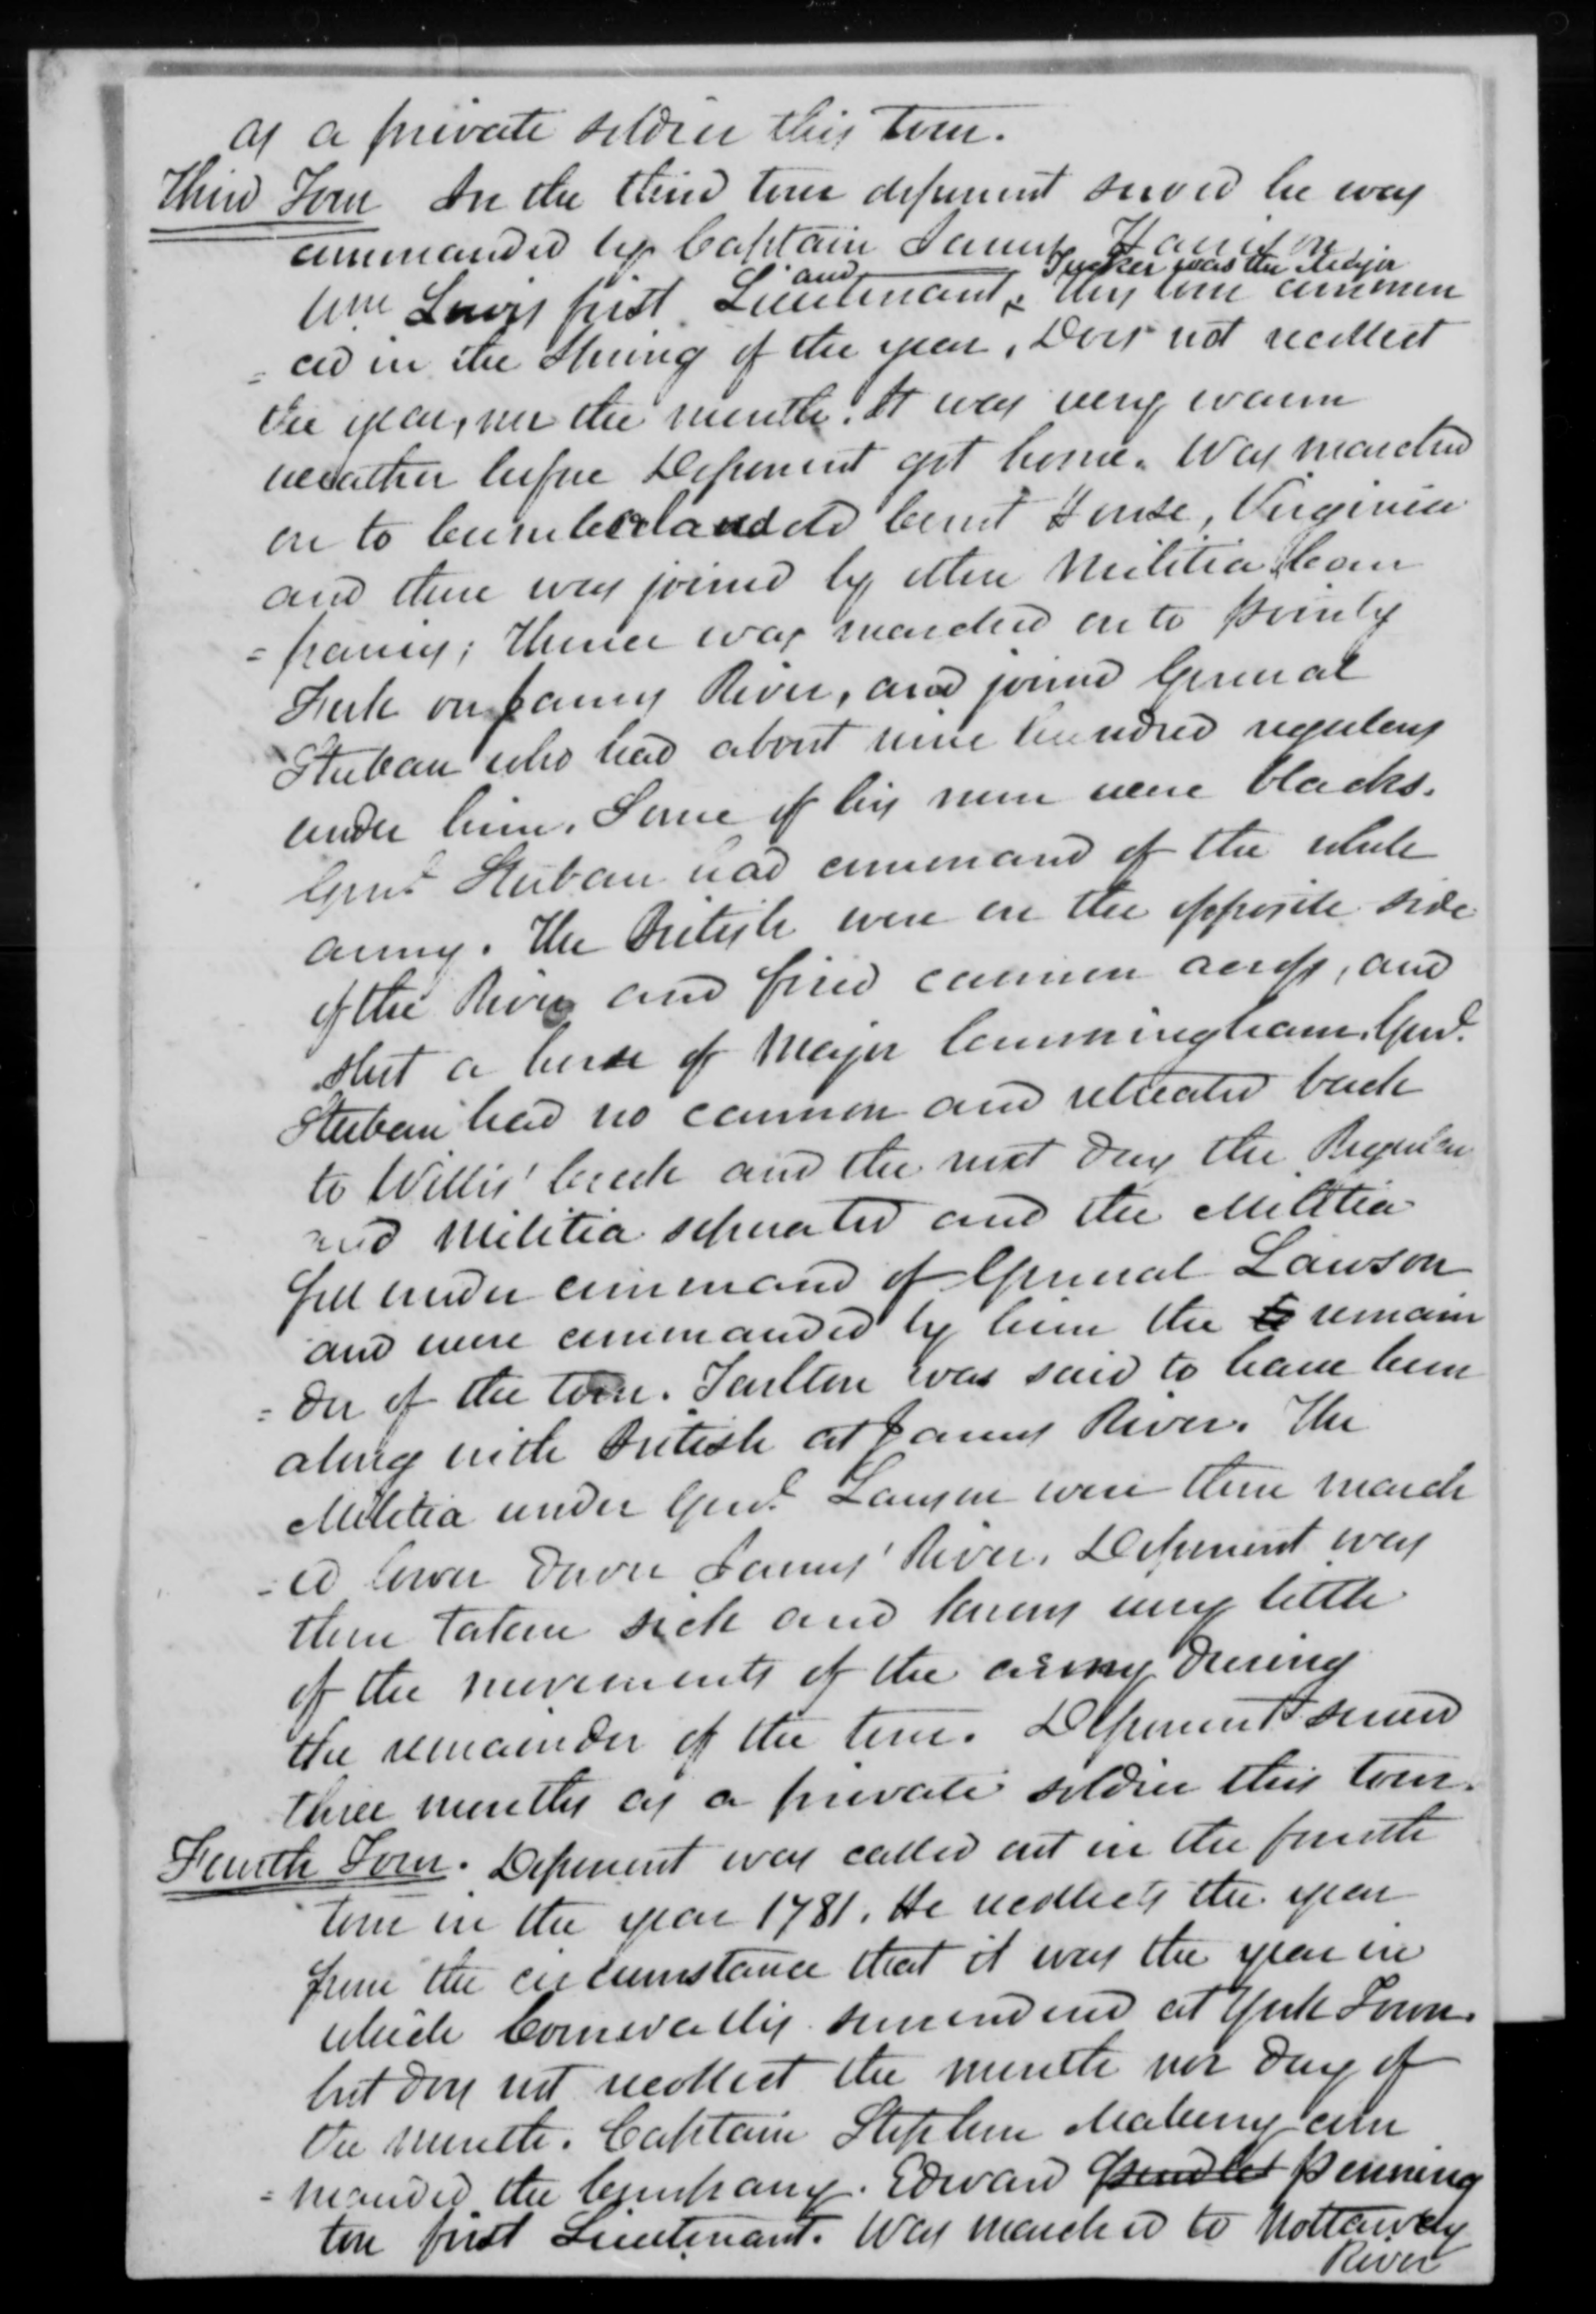as a private soldier this tour.
Third Tour In the third tour deponent served he was commanded by Captain James Harrison, Wm. Lewis first Lieutenant and Tucker was the ensign This tour commenced in the Spring of the year 7- Does not recollect the year, nor the month. It was very warm weather before Deponent got home. Was marched on to Cumberland Court House, Virginia and there was joined by other Militia Companies; Thence was marched on to Pointy Fork on James River, and joined General Stuban who had about nine hundred regulars under him, Some of his men were blacks. Genl. Stuban had command of the whole army. The British were on the opposite side of the River and fired cannon across, and shot a horse of Major Cummingham, Genl. Stuban had no cannon and retreated back to Willis' Creek and the next day the Regulars and Militia departed and the Militia full under command of General Lawson and were commanded by him the remainder of the tour. Tarlton was said to have been along with British at James River. The Militia under Genl. Lawson were then marched lower down James' River. Deponent was there taken sick and knowing little of the movements of the army during the remainder of the time. Deponent served three months as a private soldier this tour.
Fourth Tour. Deponent was called out in the fourth tour in the year 1781. He recollects the year in which Cornwallis surrendered at York Town. but does not recollect the month nor day of the month. Captain Stephen Mabury commanded the Company. Edward Perrington first Lieutenant. Was marched to Nottaway River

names: Tucker, Lawson, Cornwallis, Wm Lewis, Stephen Mabury, Stuban, James Harris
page: 13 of 81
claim: widow's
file: W. 5183, Bolling Wright, Va.